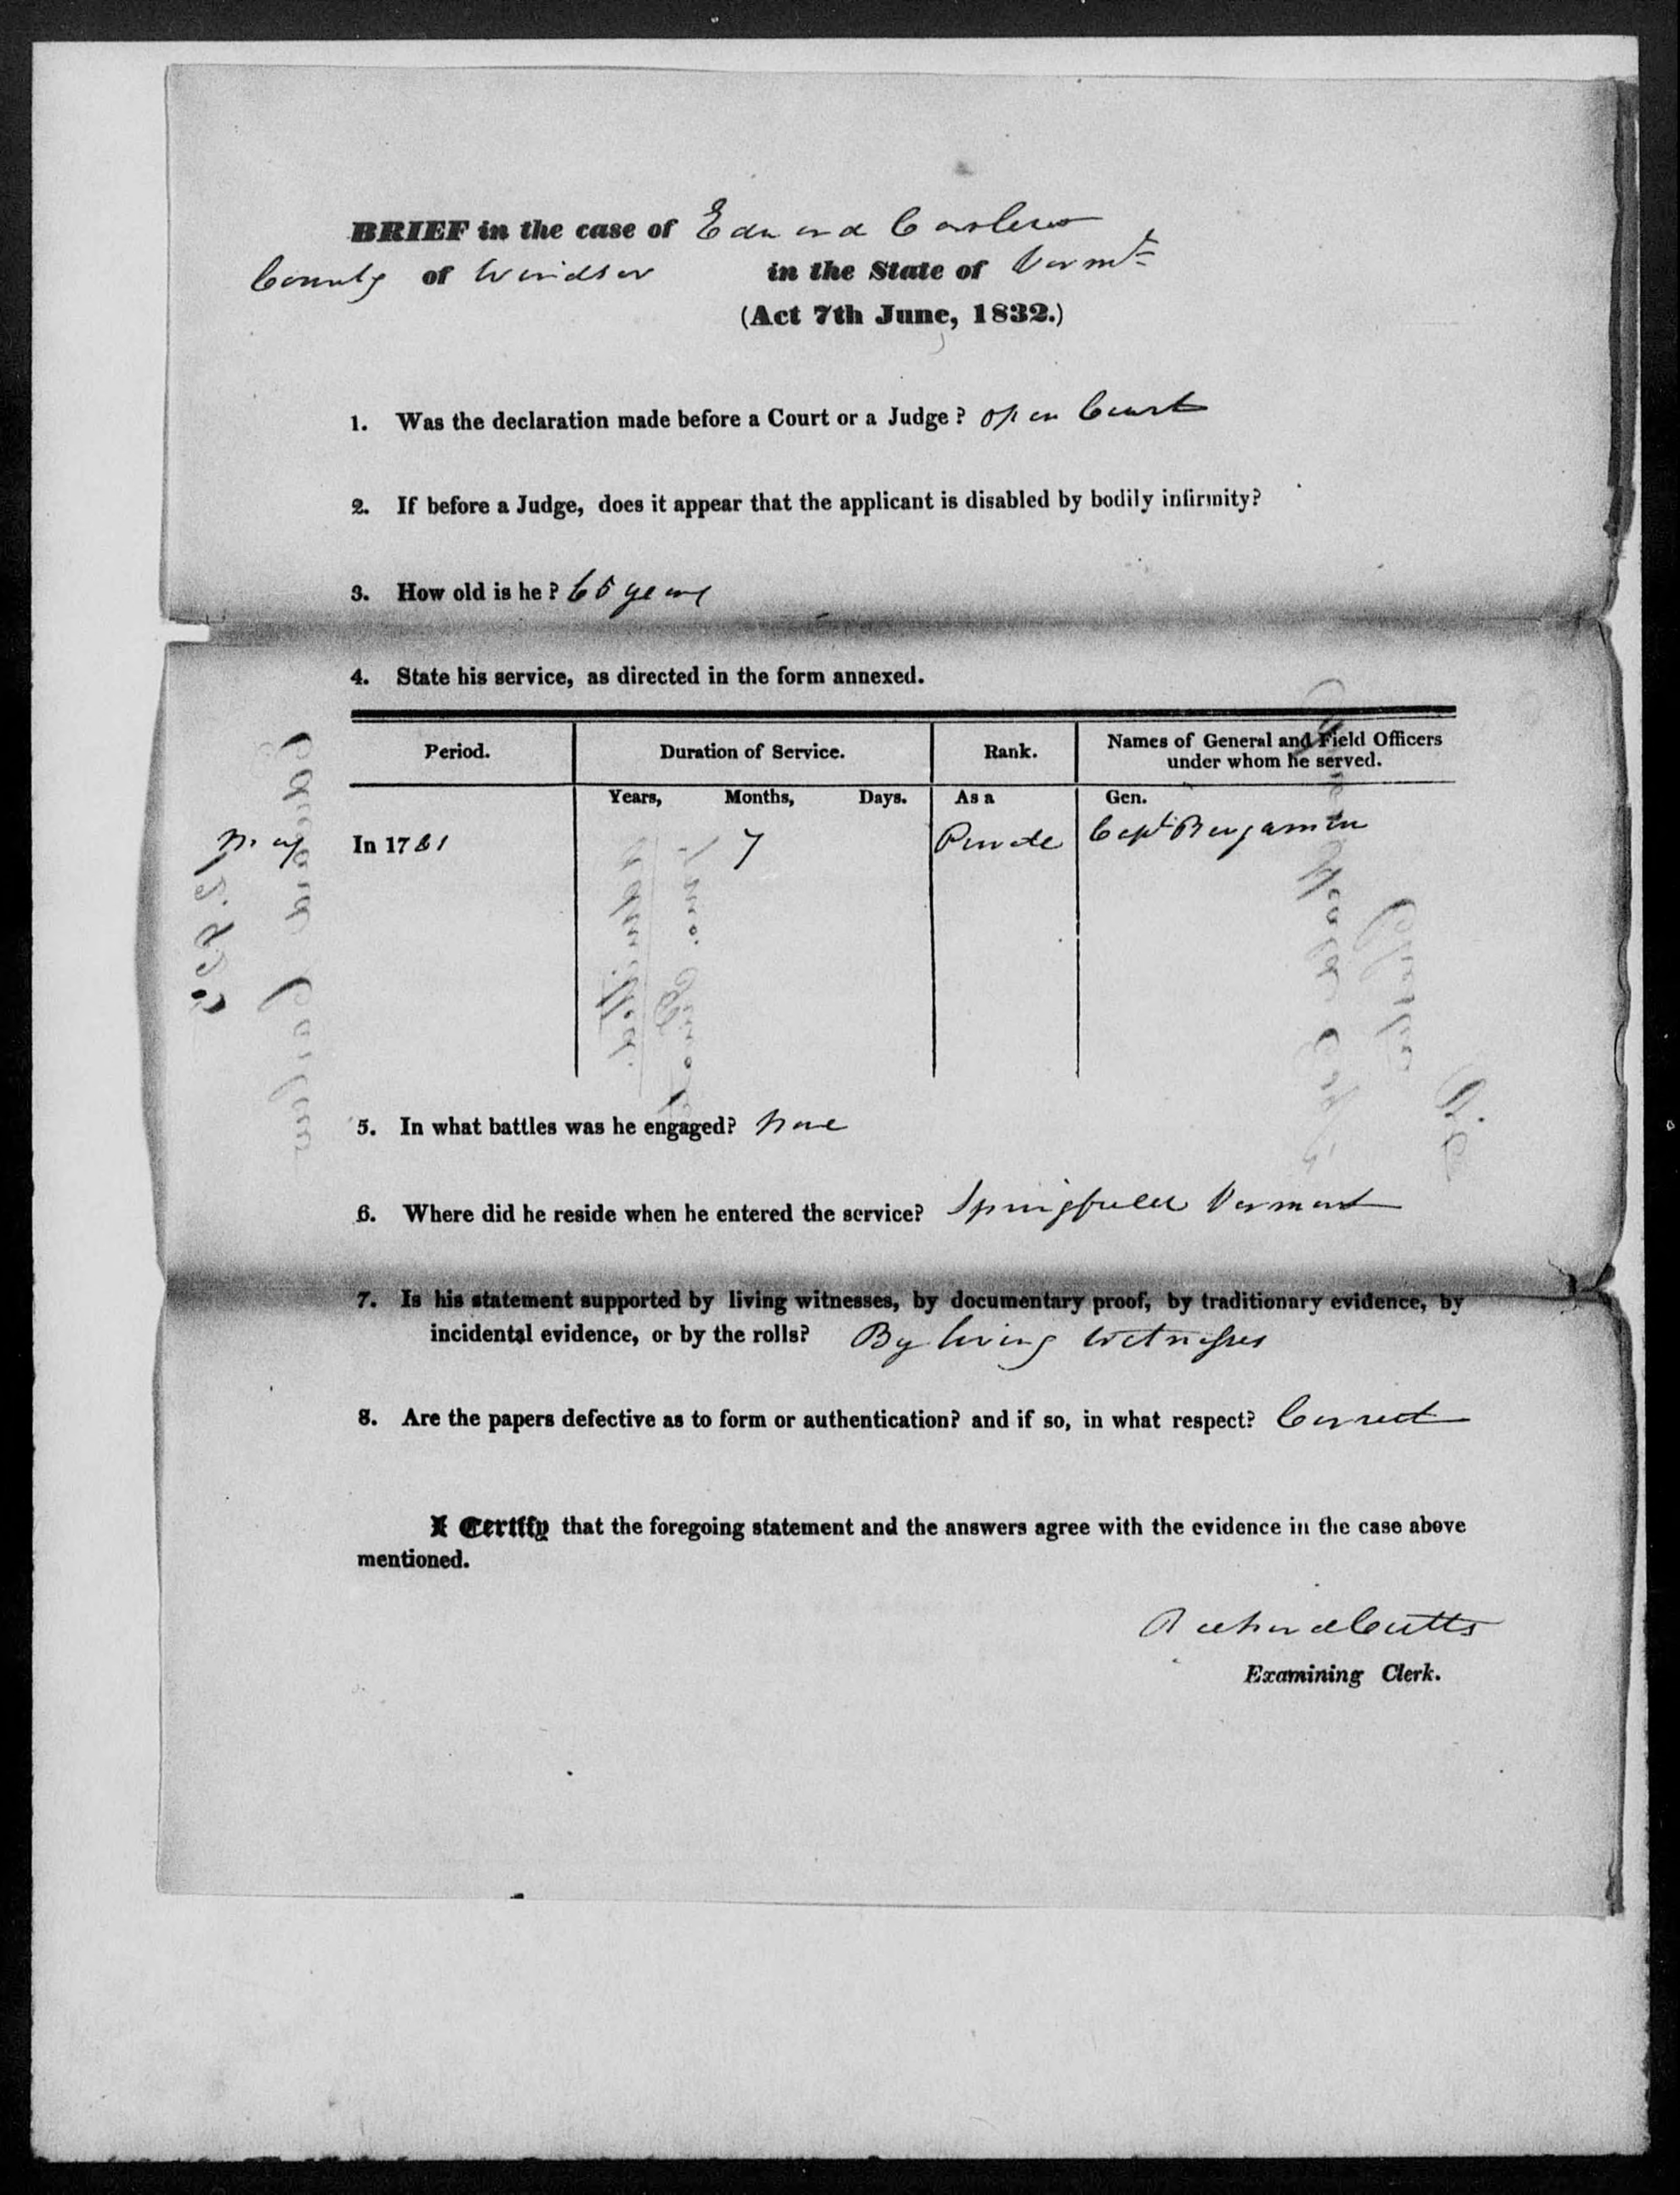BRIEF in the case of Edward Corlew County of Windsor in the State of Verm't
(Act 7th June, 1832.)

1. Was the declaration made before a Court or a Judge? open Court
2. If before a Judge, does it appear that the applicant is disabled by bodily infirmity? [blank]
3. How old is he? 60 years
4. State his service, as directed in the form annexed.
[column headings: Period.|Duration of Service. (Years,|Months,|Days.)|Rank.(As a)|Names of General and Field Officers under whom he served.(Gen.)|
In 1781|([blank|7|[blank])|Private|Capt Benjamin|
[end of columns]
5. In what battles was he engaged? None
6. Where did he reside when he entered the service? Springfield Vermont
7. Is his statement supported by living witnesses, by documentary proof, by traditionary evidence, by incidental evidence, or by the rolls? By living witnesses
8. Are the papers defective a to form or authentication? and if so, in what respect? Correct
I Certify that the foregoing statement and the answers agree with the evidence in the case above mentioned.
/s/Richard Cutts
Examining Clerk.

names: Edward Corlew, Benjamin, Richard Cutts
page: 8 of 18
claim: survivor's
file: S. 21,702, Edward Corlew, Vt.